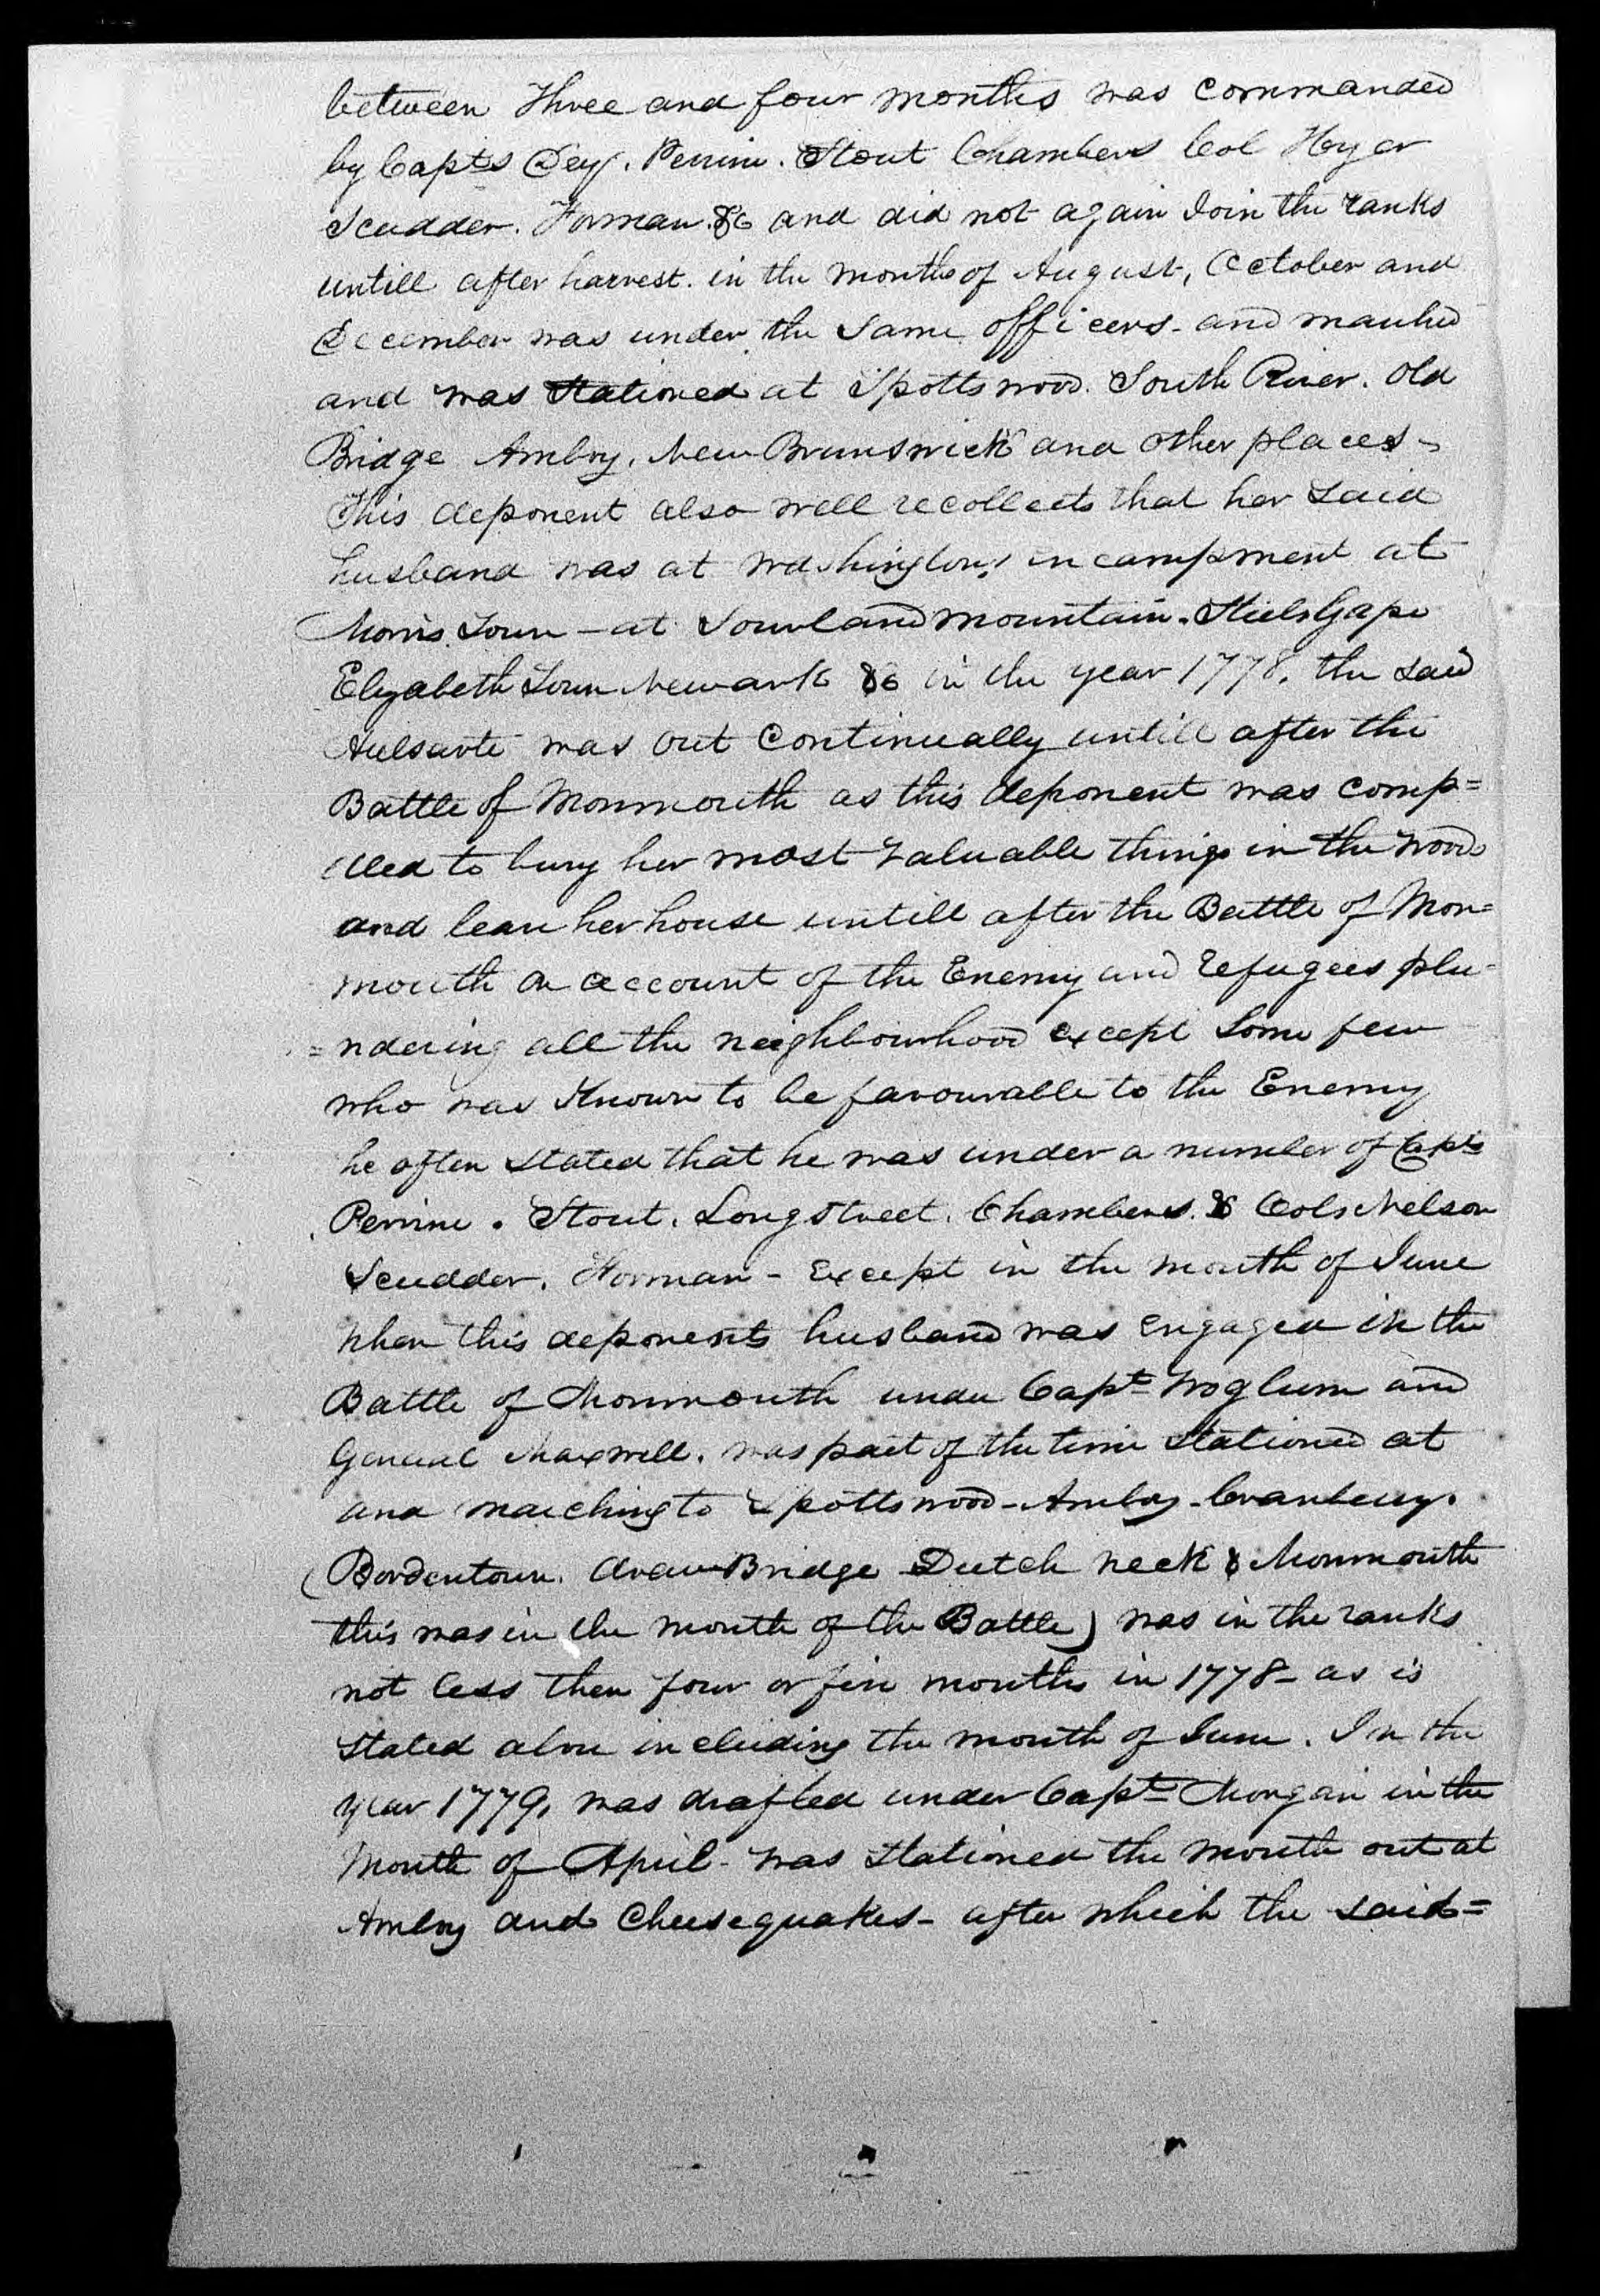between three and four months was commanded by Capt Dey, Perrine, Stout Chambers Col Hyer Scudder. Forman &c. and did not again Join the ranks untill after harvest in the months of August, October and
December was under the same officers and marched and was stationed at Spotts wood, South River, Old Bridge Amboy, New Brunswick and other places- This deponent also well recollects that her said husband was at Washingtons incampment at Morris Town- at Sourland mountain, Steels Gap, Elizabeth Town Newark &c. in the year 1778,  the said
Hulsarte was out continually untill after the
Battle of Monmouth as this deponent was compelled to bury her most valuable things in the woods and leave her house untill after the Battle of Monmouth on account of the Enemy and refugees plundering all the neighbourhood except some few who was known to be favourable to the Enemy. he often stated that he was under a number of Capts 
Perrine, Stout, Longstreet, Chambers & Cols Nelson, Scudder, Forman - Except in the month of June when this deponents husband was
engaged in the Battle of Monmouth under Capt Woglum and General Maxwell, was part of the time stationed at and marching to Spottswood- Amboy Cranberry (Bordentown, Draw Bridge Dutch Neck & Monmouth. this was in the month of the Battle) was in the ranks not less than four or five months in 1778 - as is stated above including the month of June. In the year 1779, was drafted under Capt Morgan in the
month of April- was stationed the month out at
Amboy and Cheesequakes- after which the said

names: Perrine, Hyer, Scudder, Nelson, Maxwell, Chambers, Stout, Forman, Dey, Longstreet, Woglum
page: 8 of 34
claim: widow's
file: W. 940, John Hulshart, New Jersey